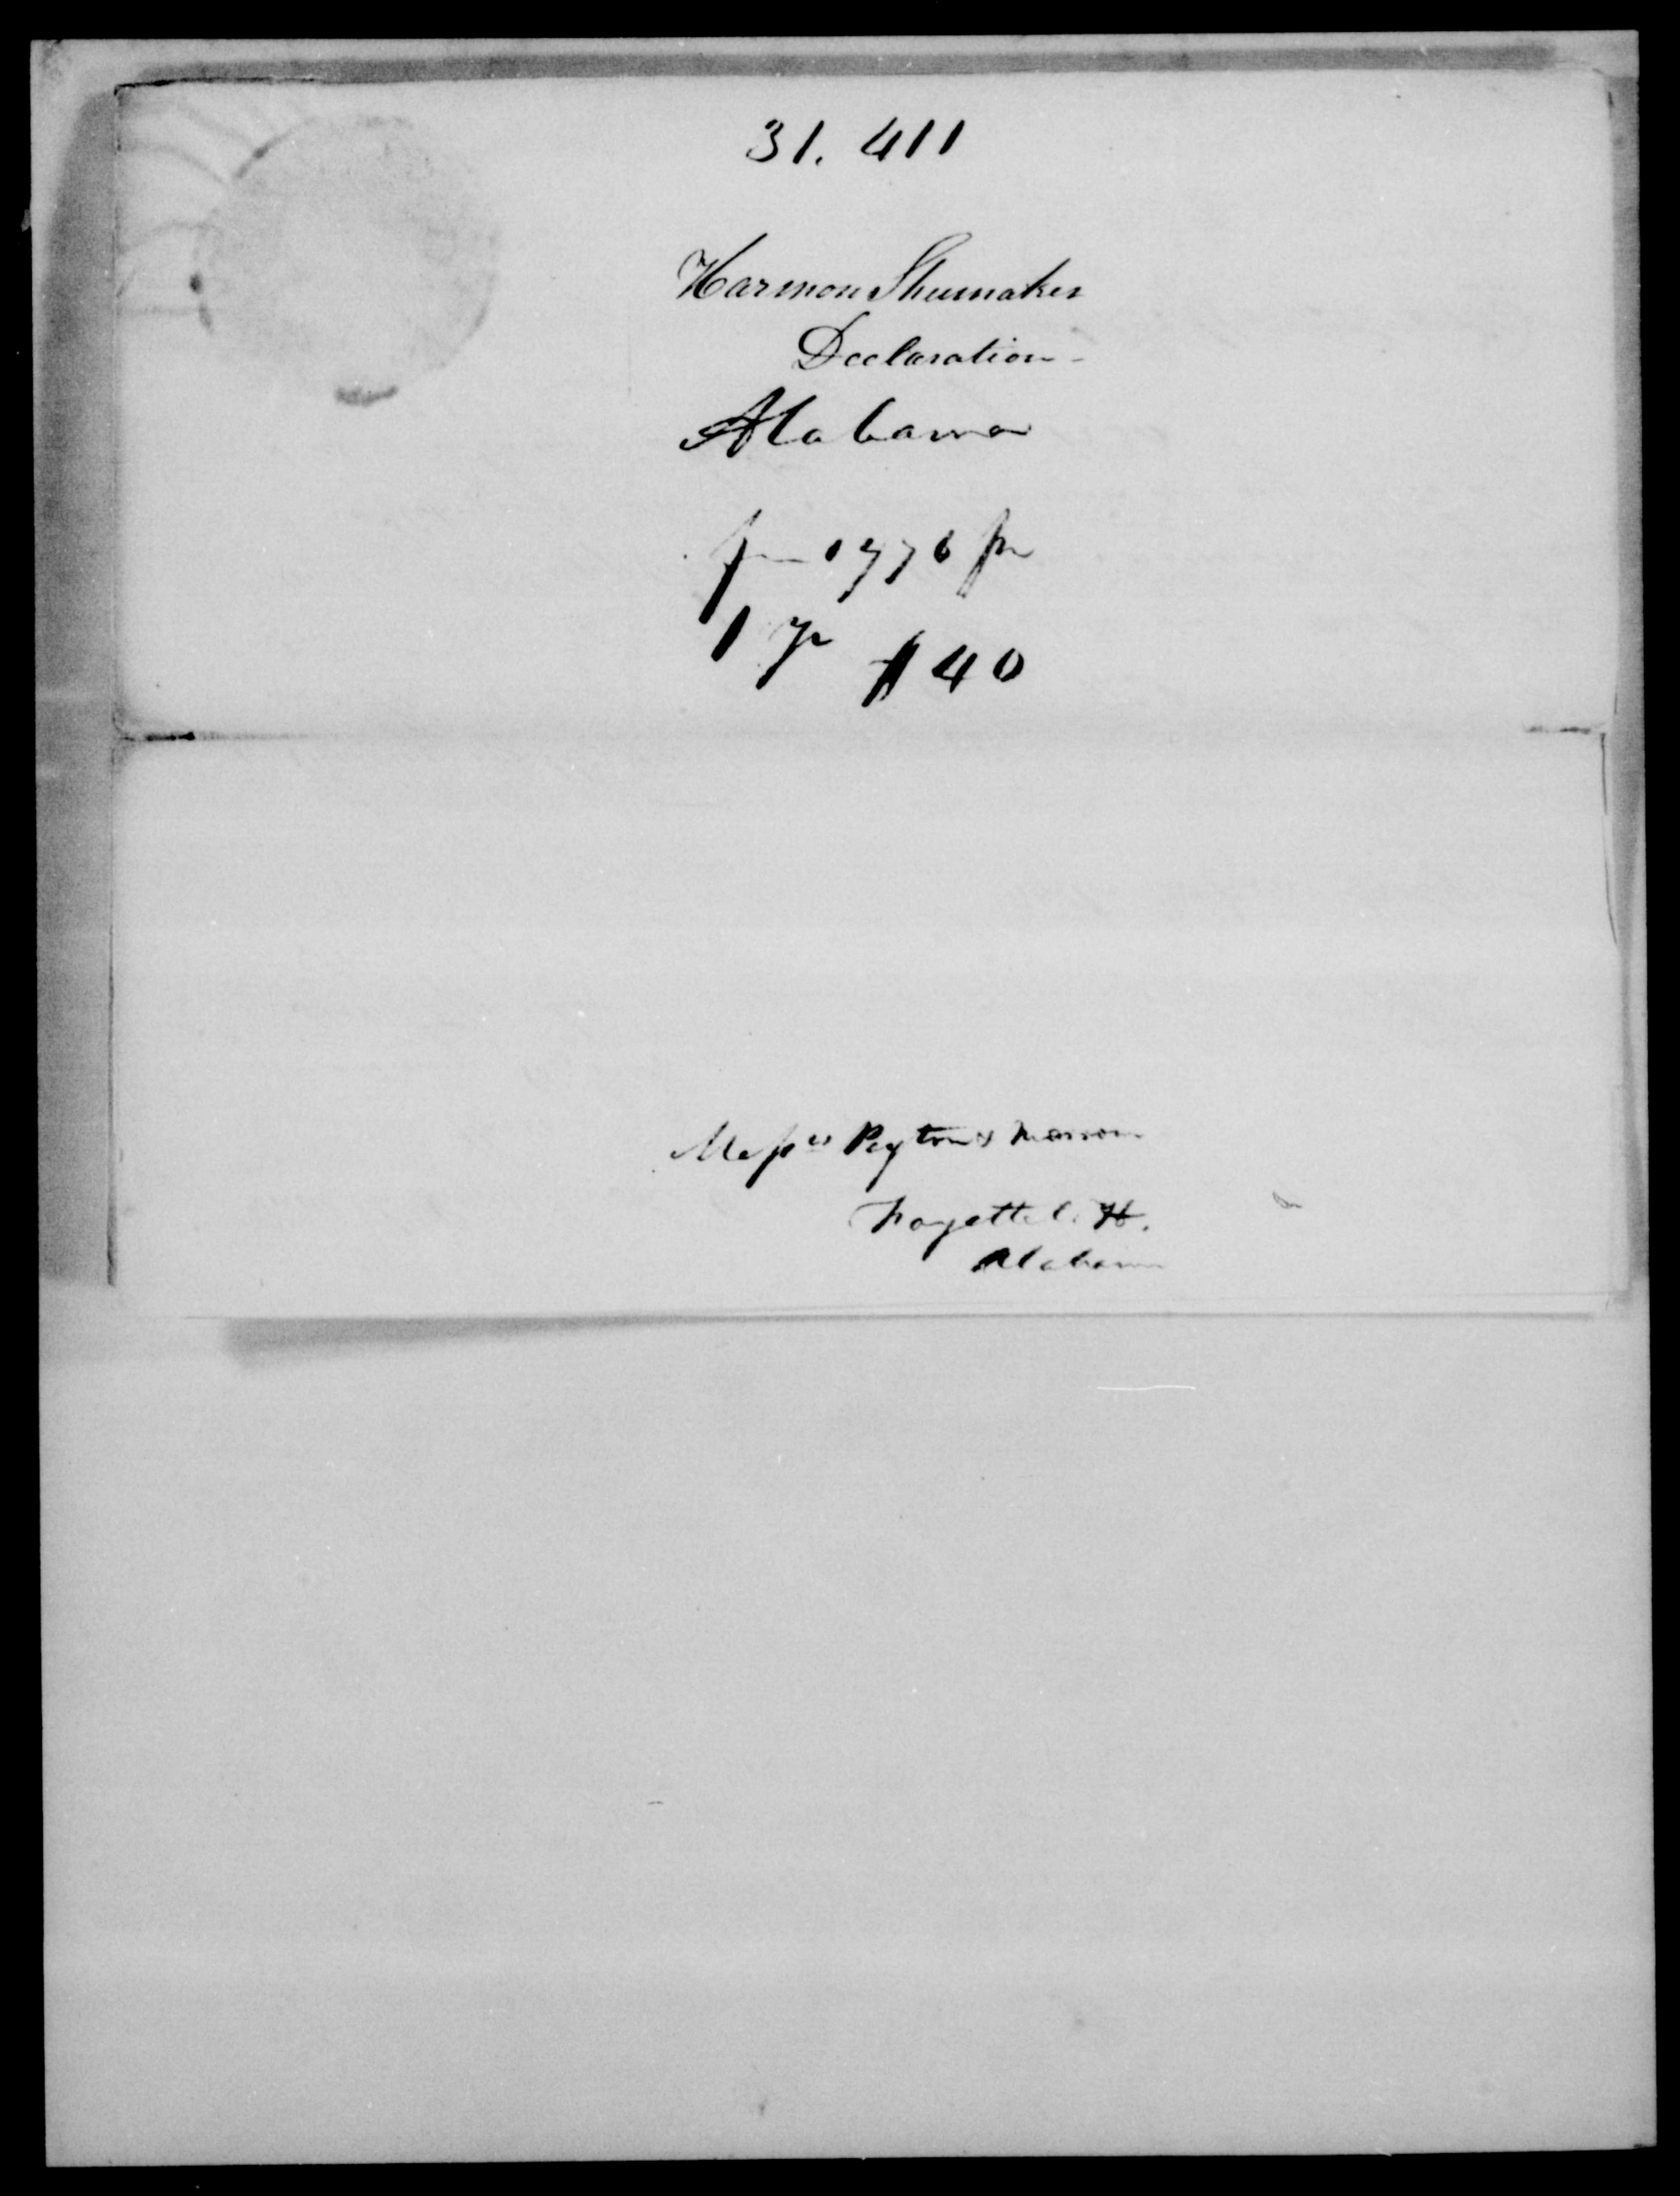31, 411
Harmon Shumaker
Declaration
Alabama
from 1776 for
1 yr $40

Messes. Peyton & Marron
Fayette C. H.
Alabama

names: Harmon Shumaker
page: 8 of 20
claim: survivor's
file: S. 32512, for Harmon Shumaker, Maryland